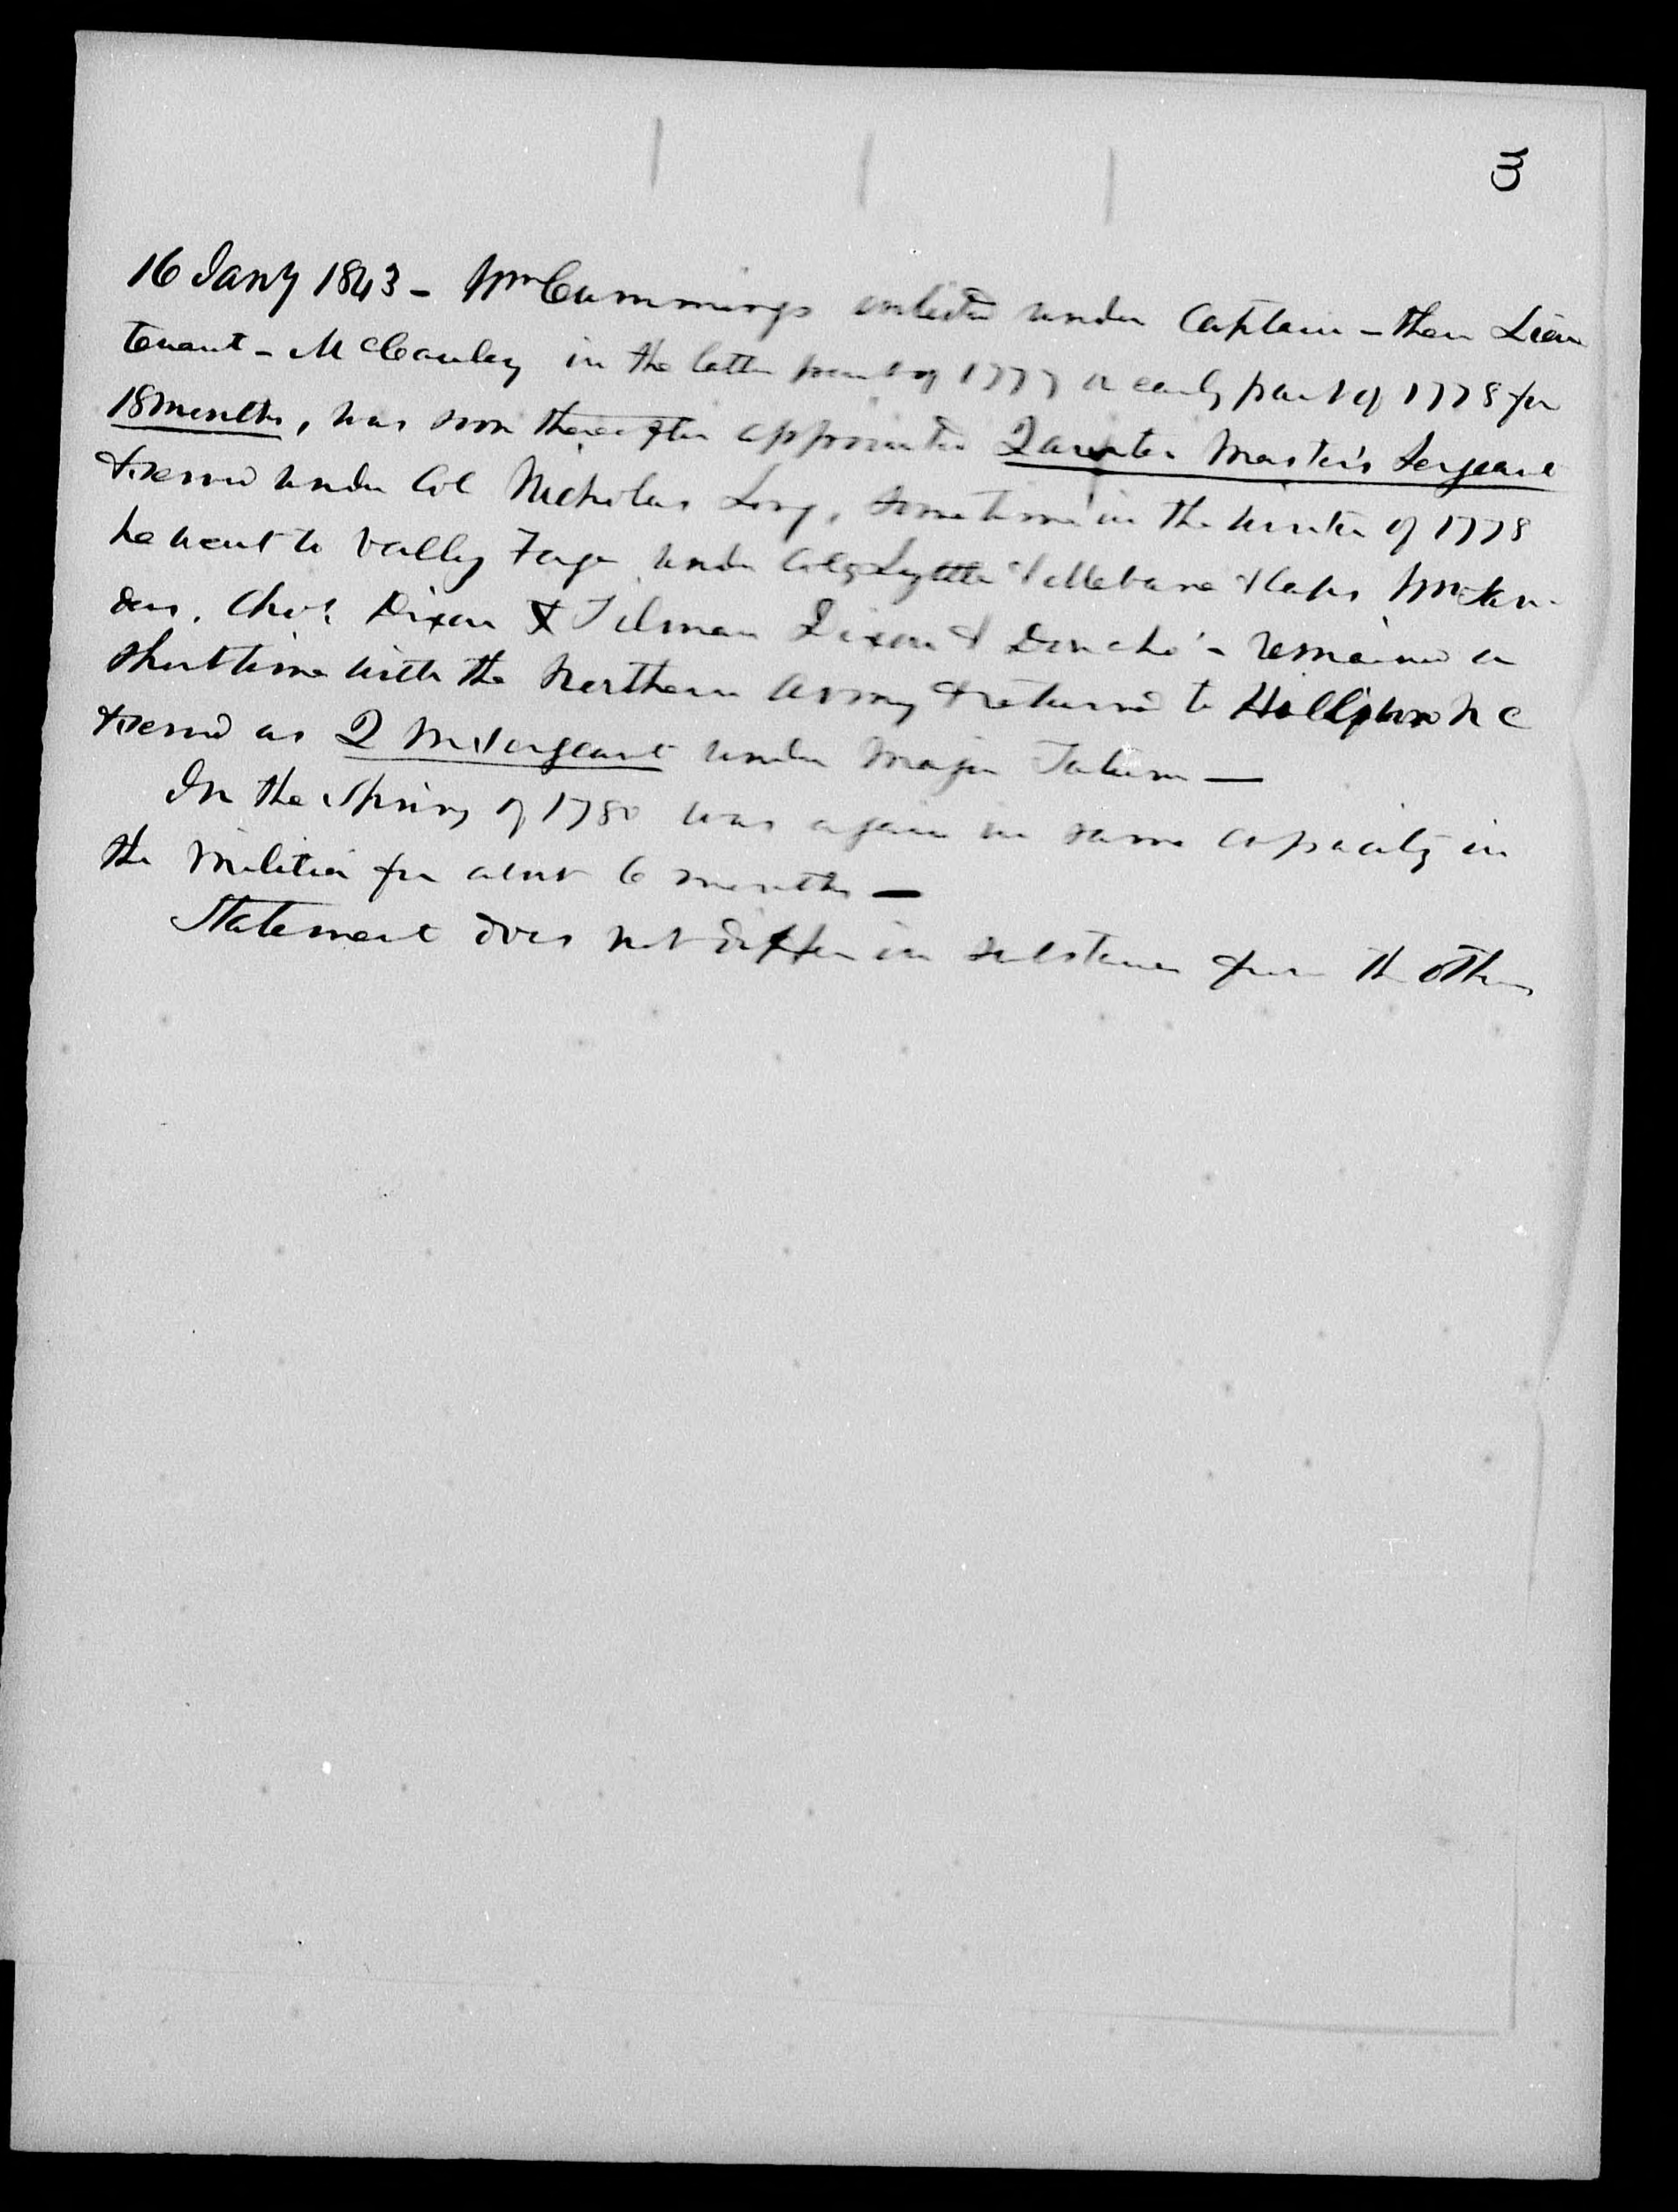[Page 3 in handwritten account.]

16 Jany [January] 1843 - [apparently meaning statement given that date] Wm Cummings enlisted under Captain - then Lieutenant - McCauley in the latter part of 1777 or early part of 1778 for [here the time frame is underlined] 18 months, was soon thereafter appointed Quarter Master's Sergeant and served under Col Nicholas Long, sometime in the winter of 1778 he went to Valley Forge under Cols [Colonels][ Lyttle and Mebane and Caps [Captains] Wm Kinders, Chas. [Charles] Dixon and Tilman Dixon and Denchs - remained a short time with the Northern Army and returned to Hallifax NC and served as [the following rank is underlined:] QM [Quartr Master] Sergeant under Major Tatum - 

In the Spring of 1780 was again in same capacity in the Militia for [illegible, possibly about or almost] 6 months - 

Statement [?] over not differ in substance from the other.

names: Tilman Dixon, Mc Cauley, Wm Saunders, Wm Cummings, Nicholas Long, Tatum, Chos Dixon, Mc Cane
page: 55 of 145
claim: survivor's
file: S. 8265, William Cumming, N.C.